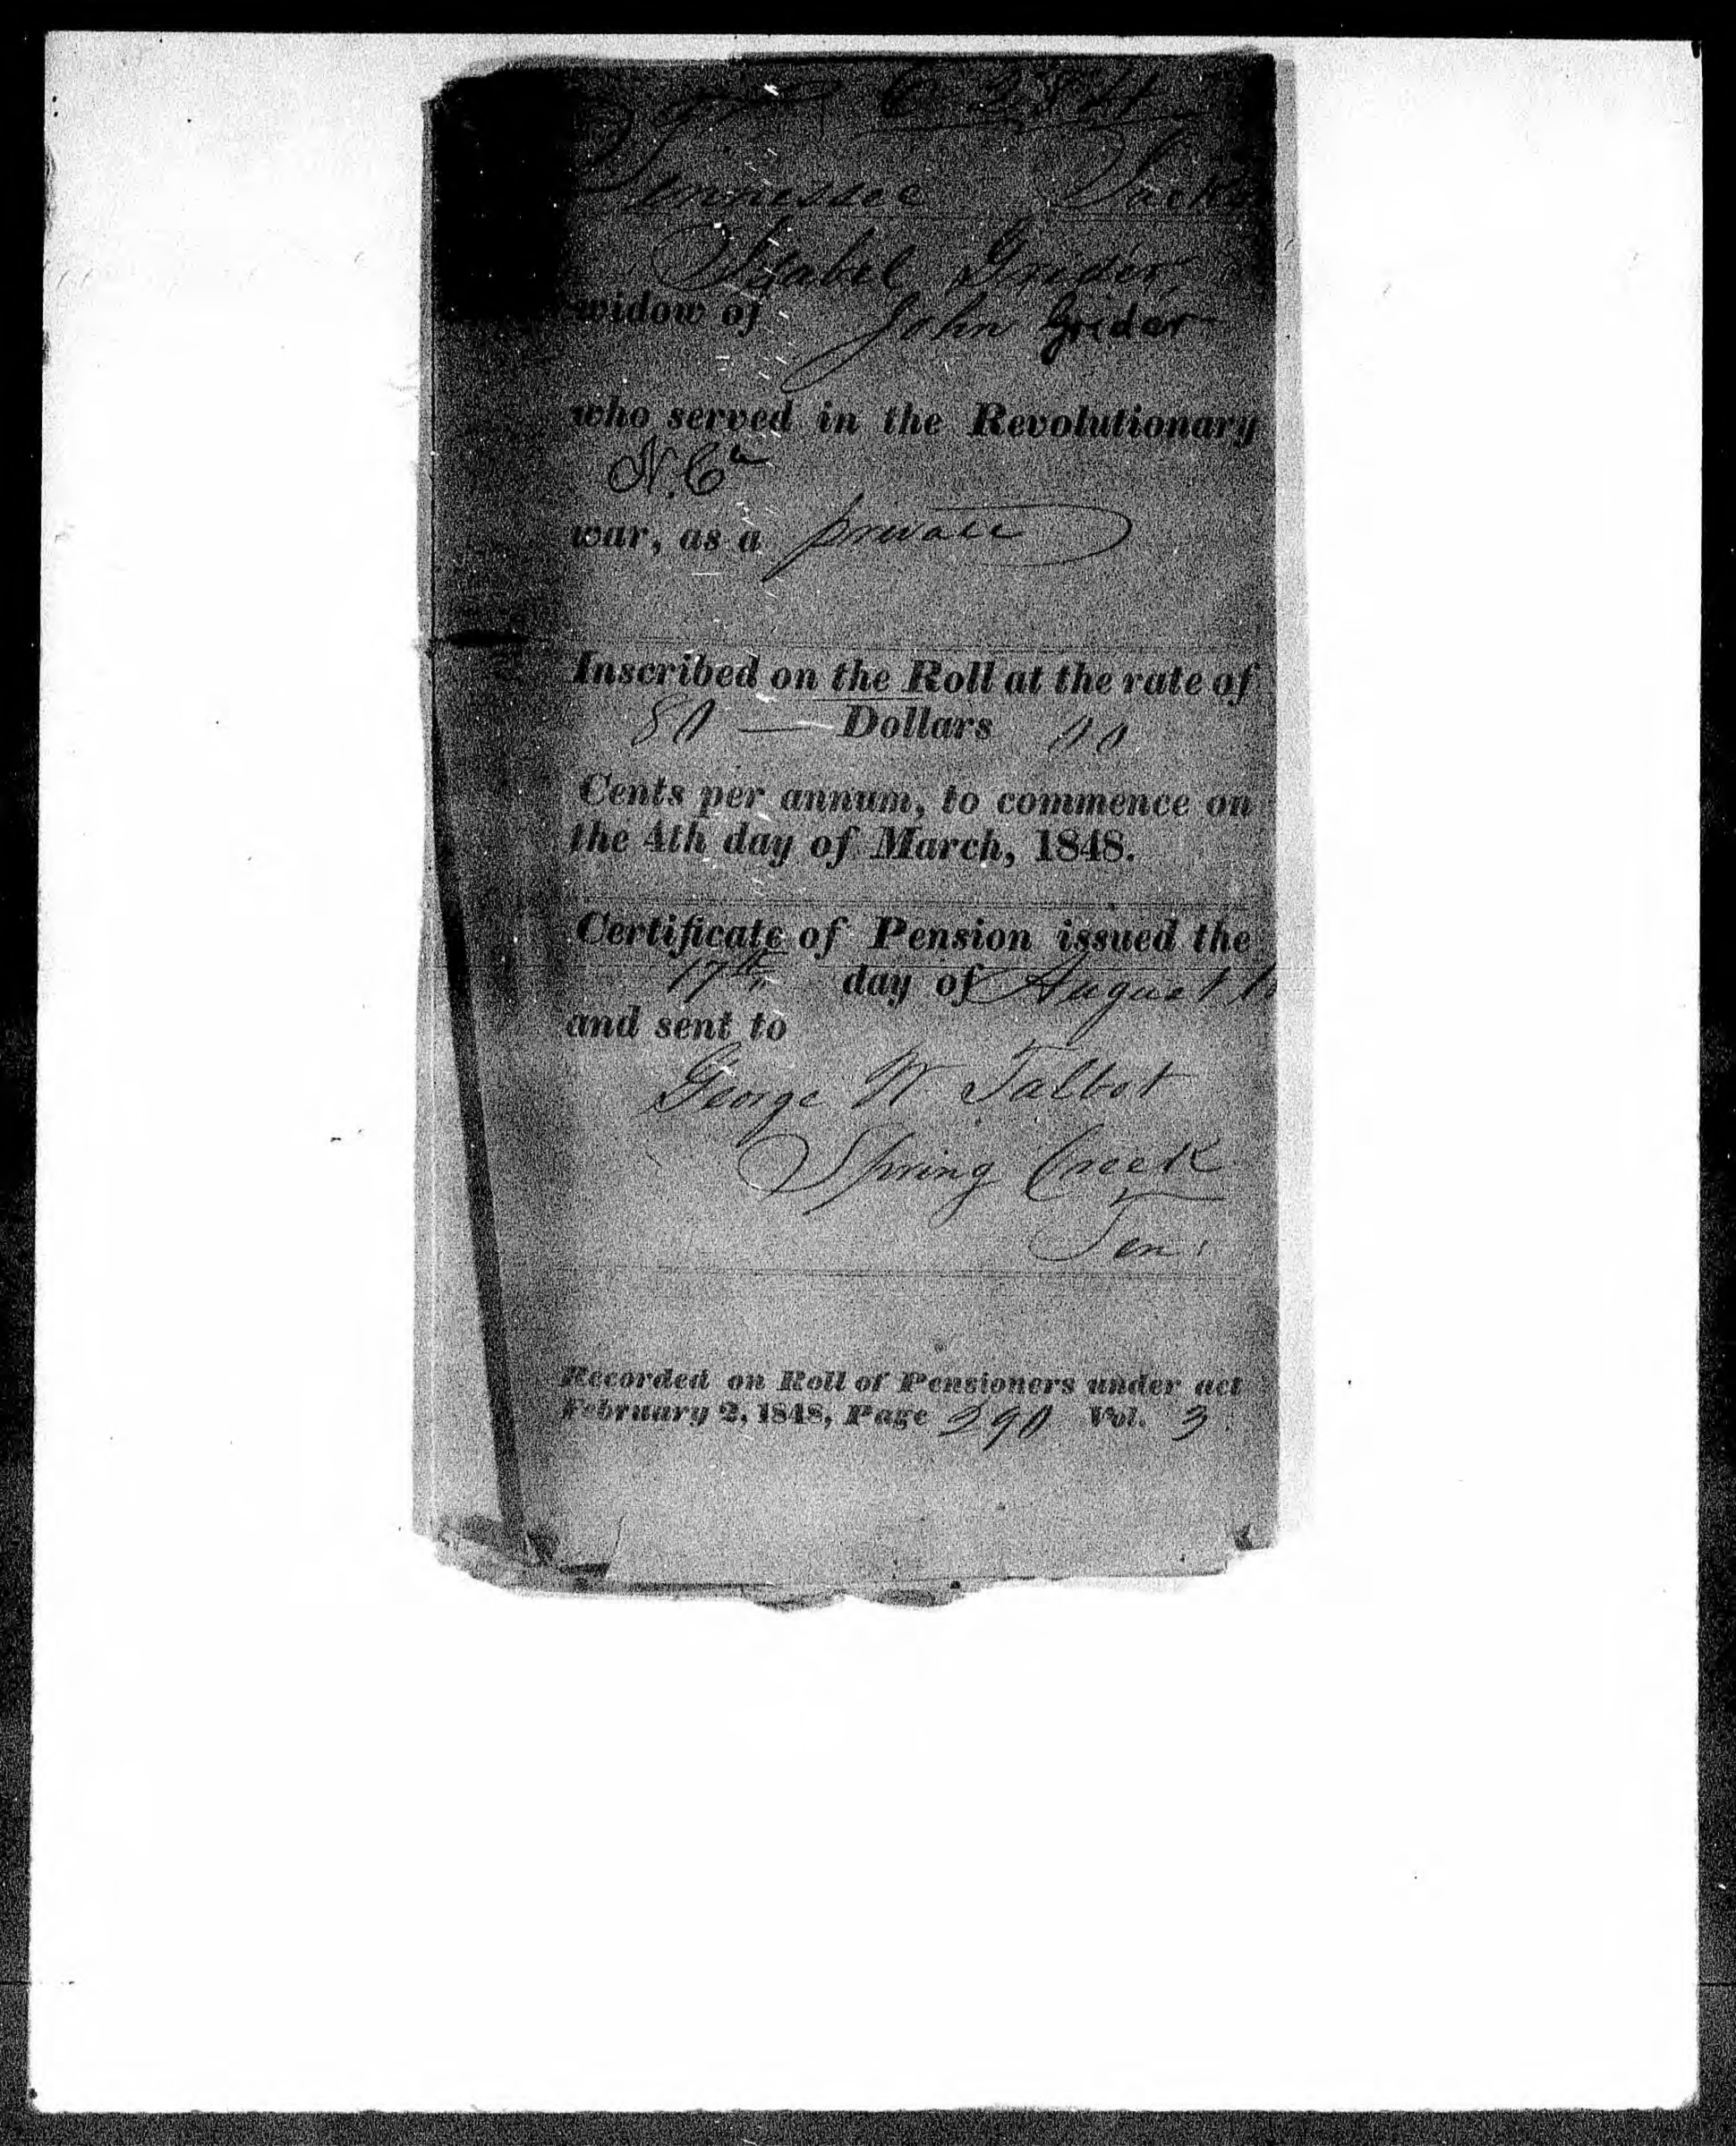[very top illegible]

Tennessee Jacks
Isabel Grider
widow of John Grider
who served in the Revoltionary
N.Ca
war, as a private

Inscribed on the Roll at the rate of 
80 Dollars  00 
Cents per annum, to commence on 
the 4th day of March, 1848

Certificate of Pension issued the
17th day of August [copy cut off]
and sent to 
George W. Talbot
Spring Creek
Ten.

Recorded on Roll of Pensioners under act
February 2, 1848, Page 290 Vol 3.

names: John Grider, Isabel Grider, George W Talbot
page: 6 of 91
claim: widow's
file: W 358, John Grider, N.C.